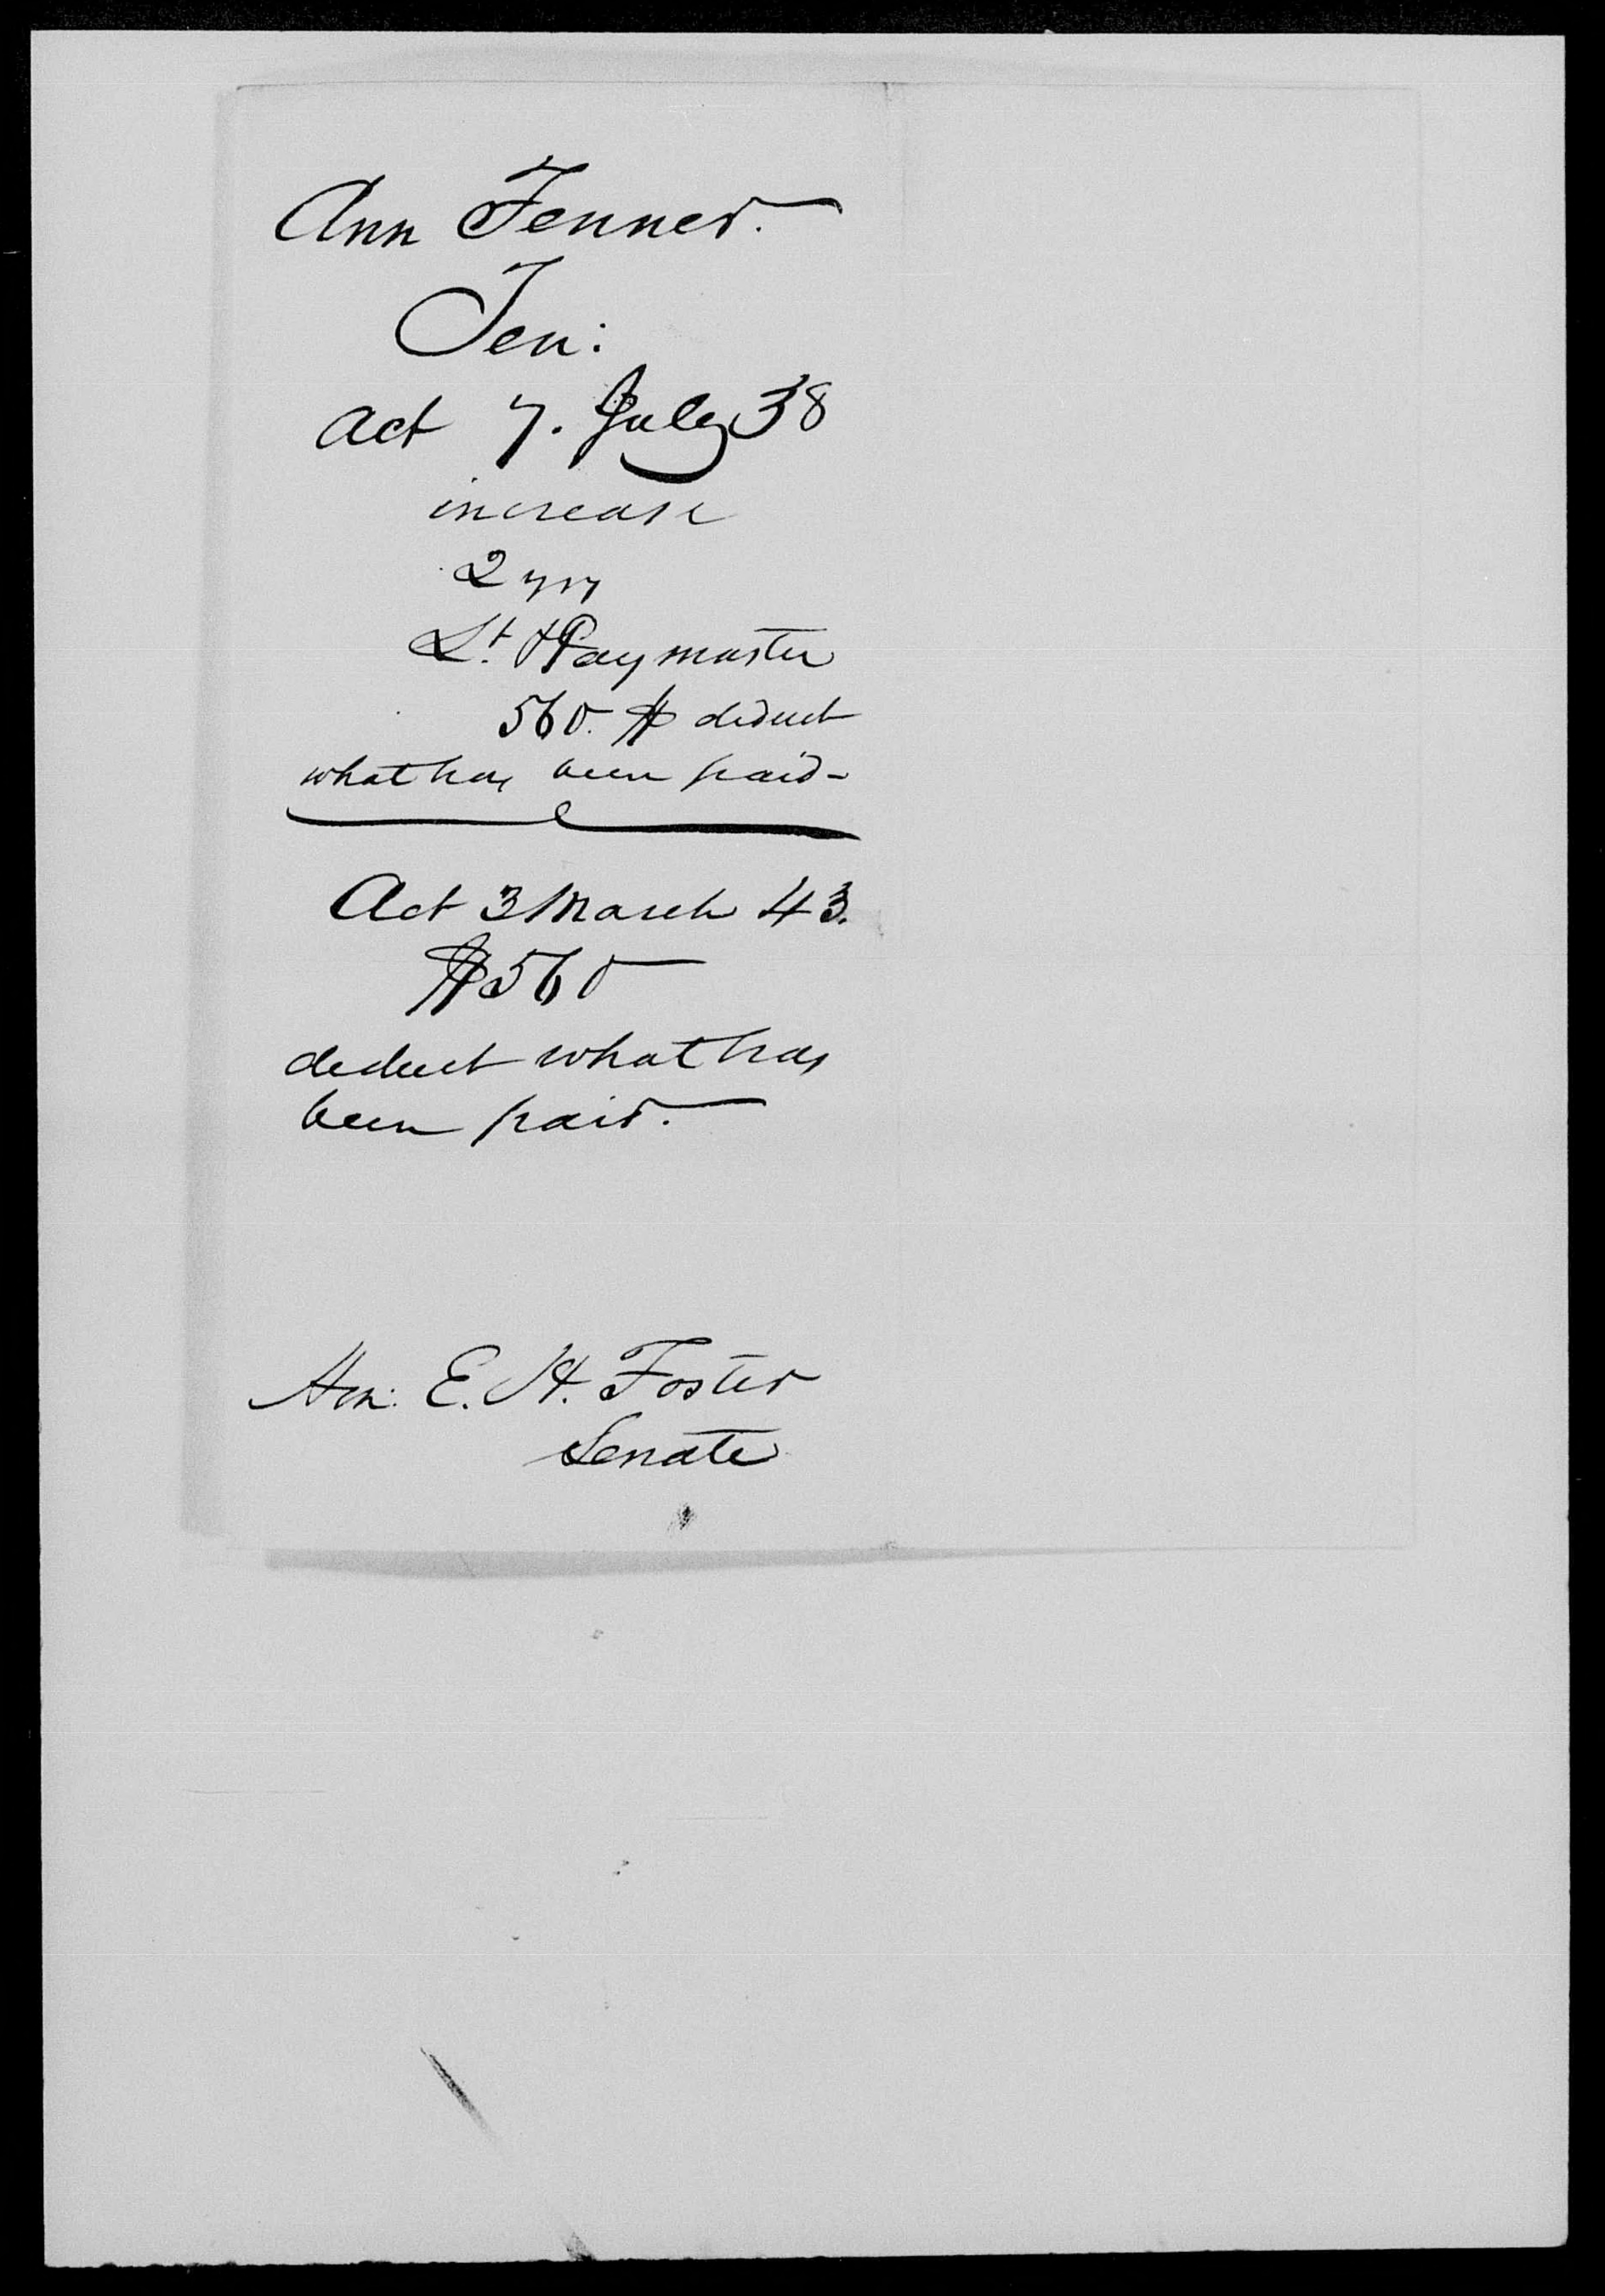Ann Fenner

Ten:

act 7, July 38

increase 

2 yrs

Lt. & Pay master

560 $ deduct

what has been paid

Act 3 March 43

$560

deduct what has
been paid.

Hon. E. H. Foster
Senate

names: Ann Fenner, E H Foster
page: 18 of 39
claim: widow's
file: W. 789, Richard Fenner, N.C.